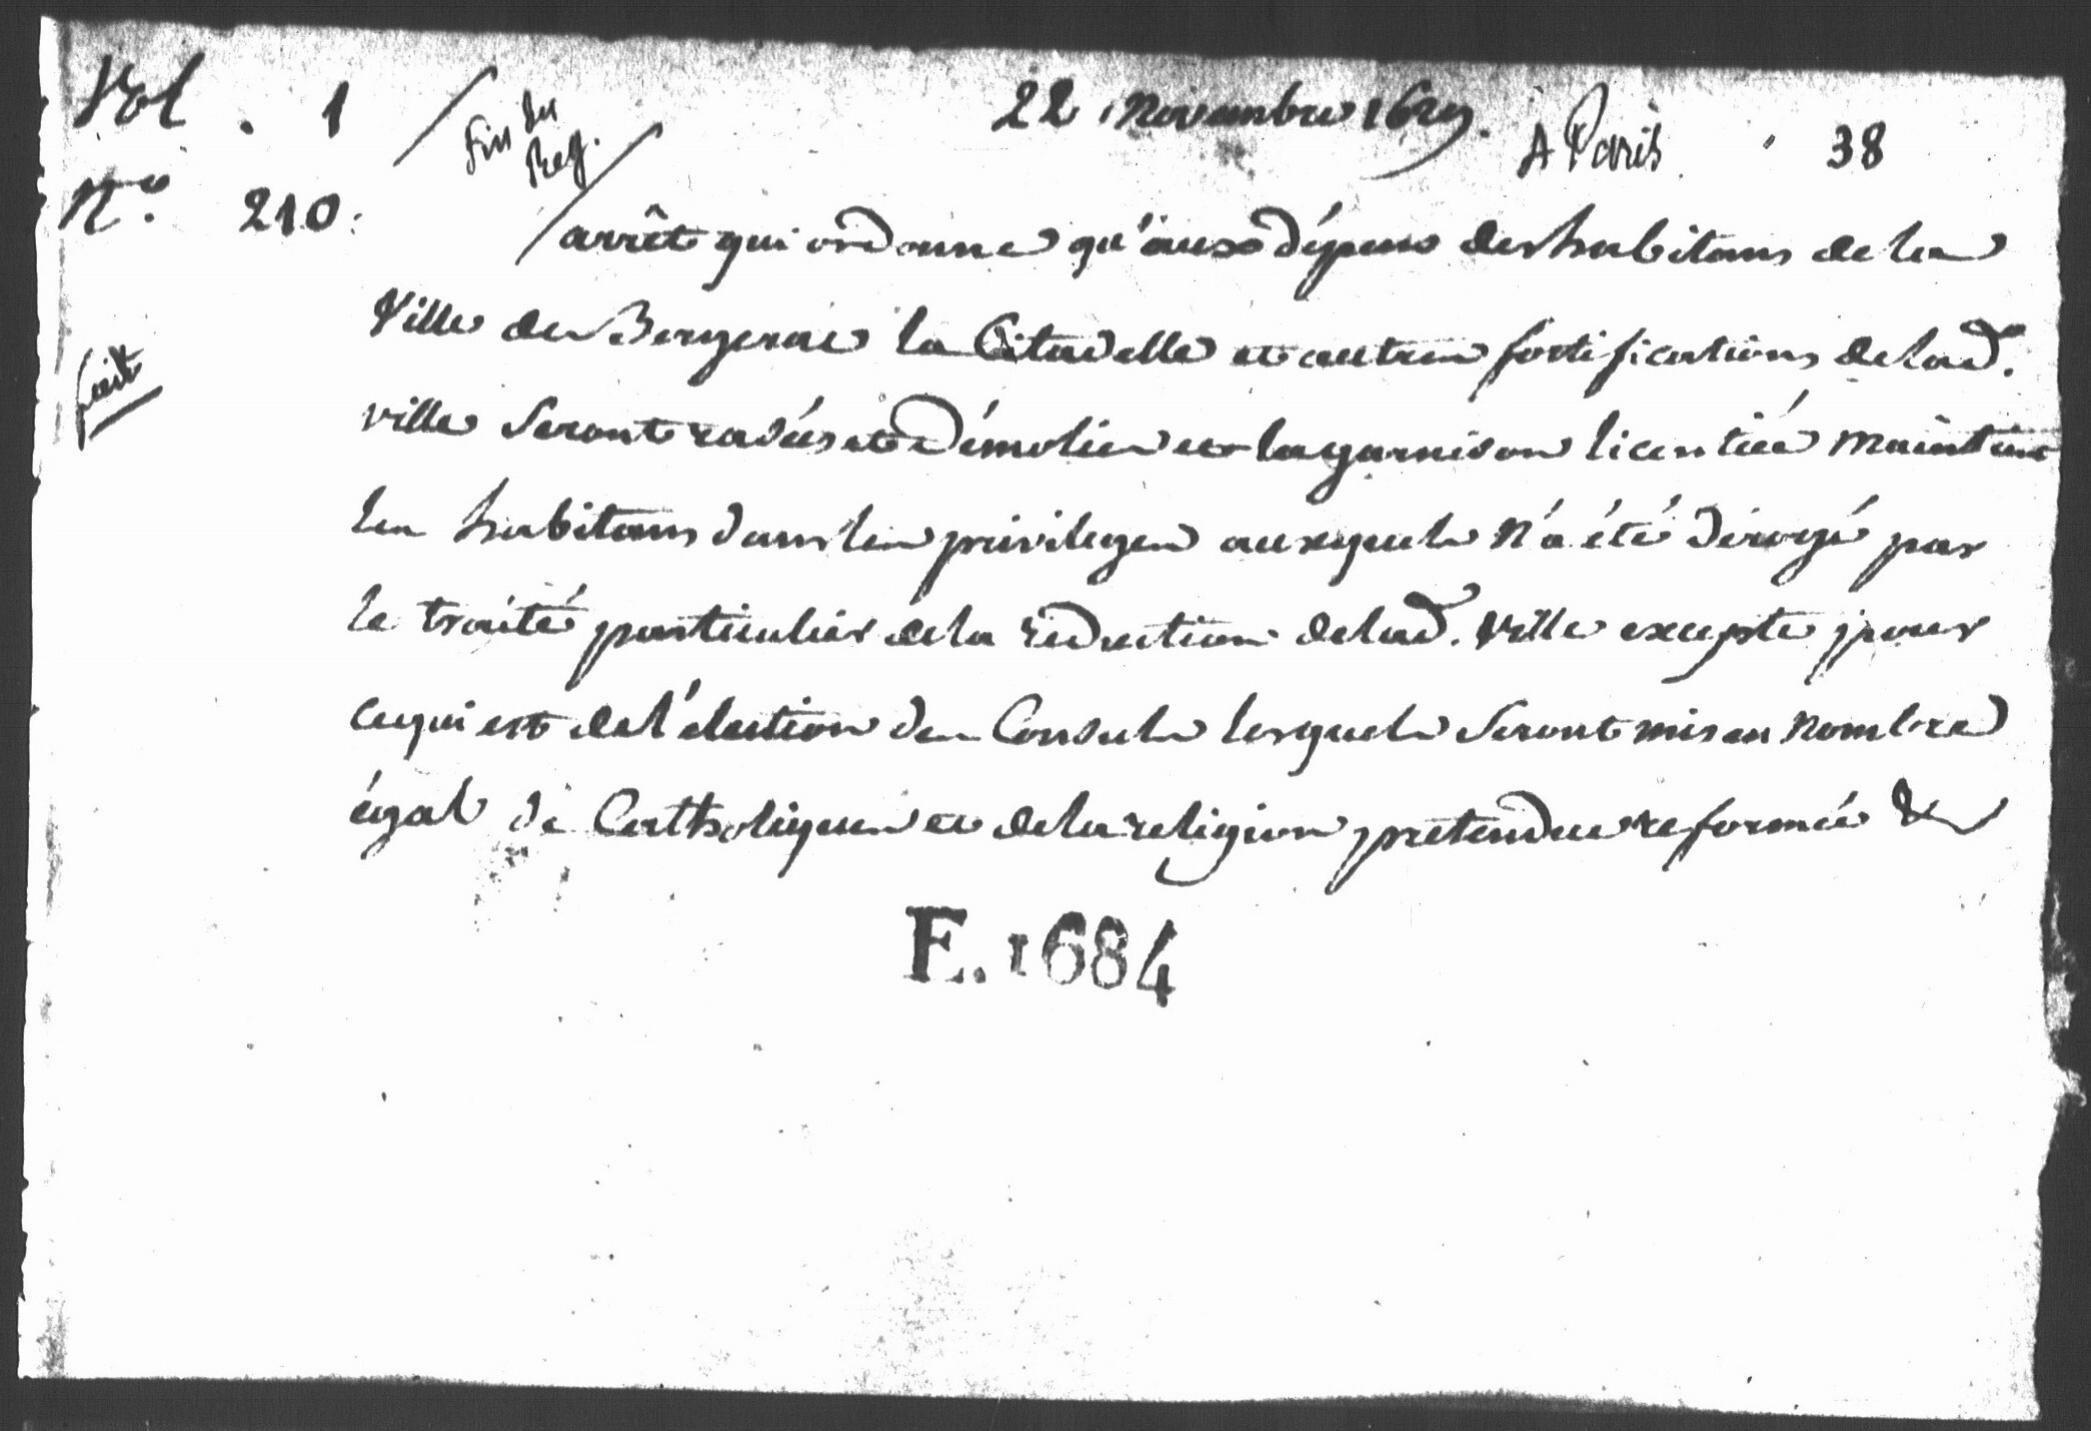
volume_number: n°210
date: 22 novembre 1620
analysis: Fait A Paris 38
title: Arrêt qui ordonne qu'aux dépens des habitans de la ville de Bergerac la citadelle et autres fortifications de lad. ville seront rasées et démolies et la garnison licentiée maintient les habitans dans les privileges auxquels n'a été derogé par le traité particulier de la réduction delad. ville excepte pour ce qui est de l'election des Consuls lesquels seront mis au nombre égal de catholiques et de la religion pretendue reformée etc.
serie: E
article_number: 1684
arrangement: Vol. 1 fin du reg.
